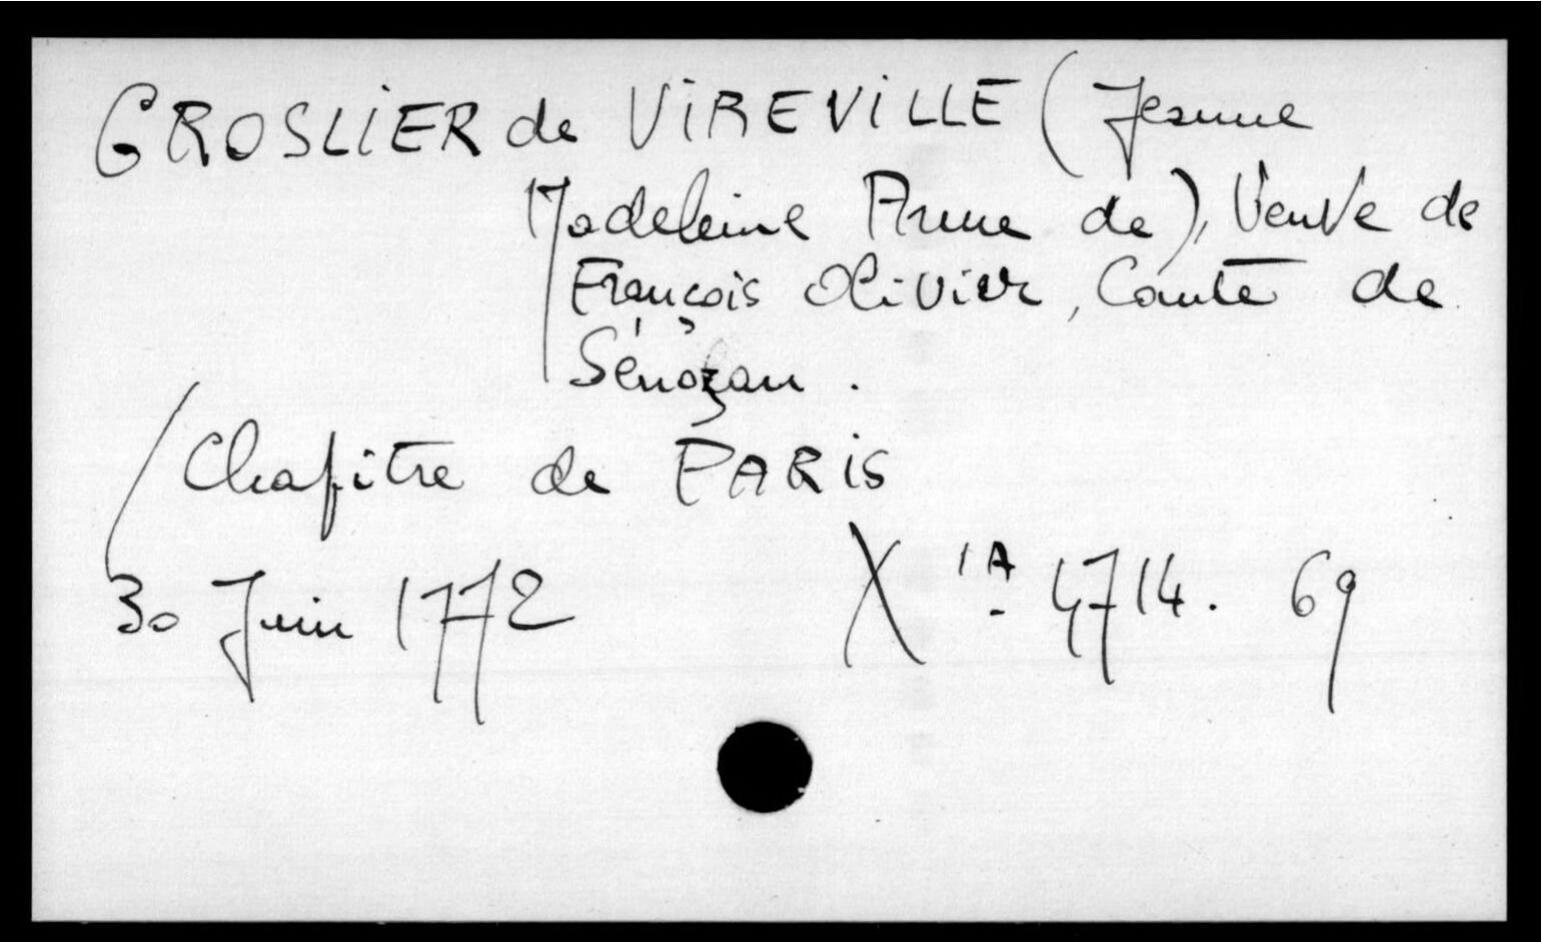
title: GROSLIER de VIREVILLE (Jeanne Madeleine Anne de), veuve de François Olivier, comte de Sénozan
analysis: Contre Chapitre de Paris
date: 30 juin 1772
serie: X1A
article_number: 4714
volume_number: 69
